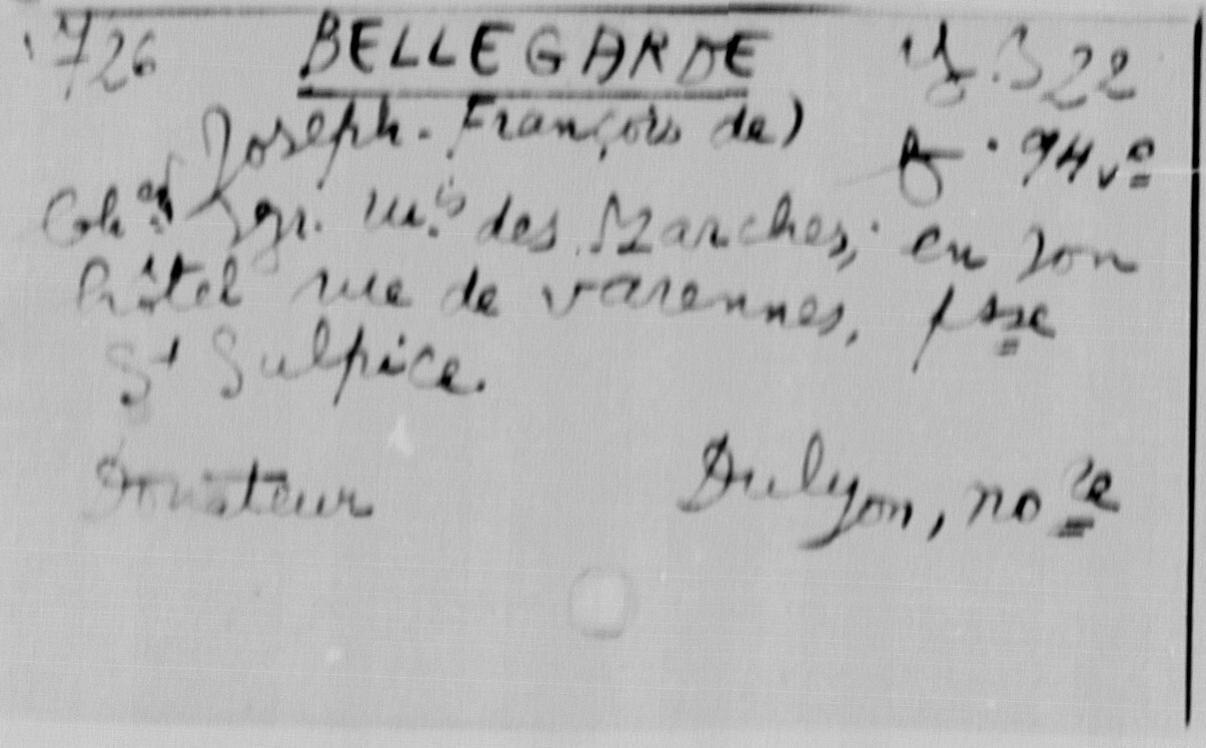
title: BELLEGARDE (Joseph-François de)
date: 1726
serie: Y
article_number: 322
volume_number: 94v
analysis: Chevalier seigneur marquis des Marches, en son hôtel rue de Varennes, paroisse Saint-Sulpice. Donateur. Dulyon, notaire
